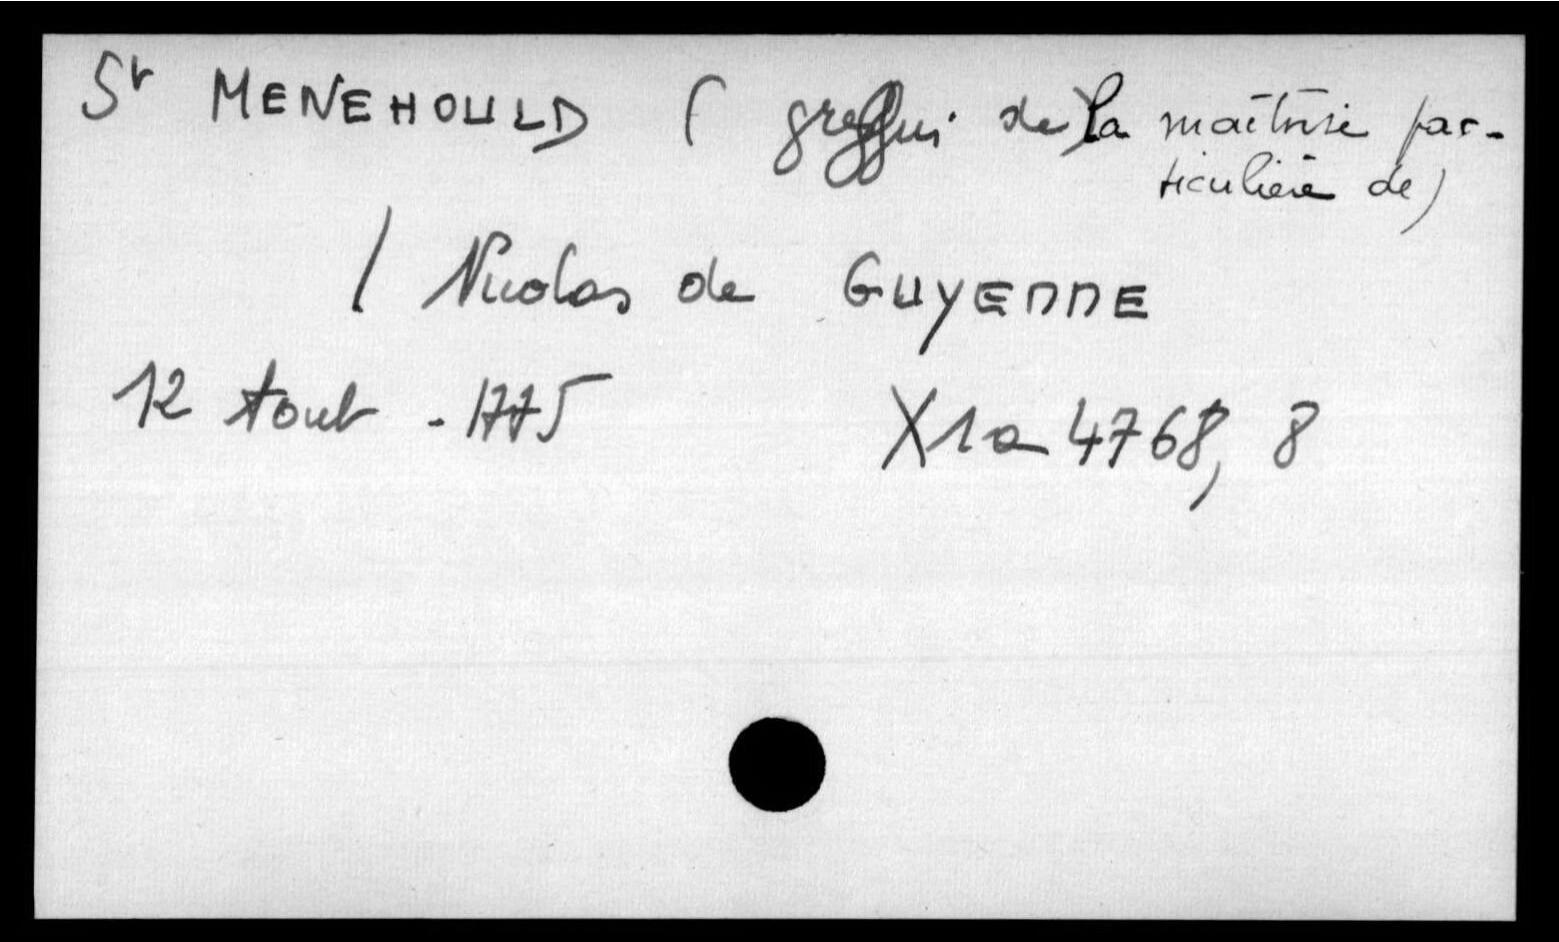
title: SAINT MENEHOULD (Greggui de la maîtrise particulière de)
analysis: Contre Nicolas de GUYENNE
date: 12 août 1775
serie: X1a
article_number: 4768
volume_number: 8
